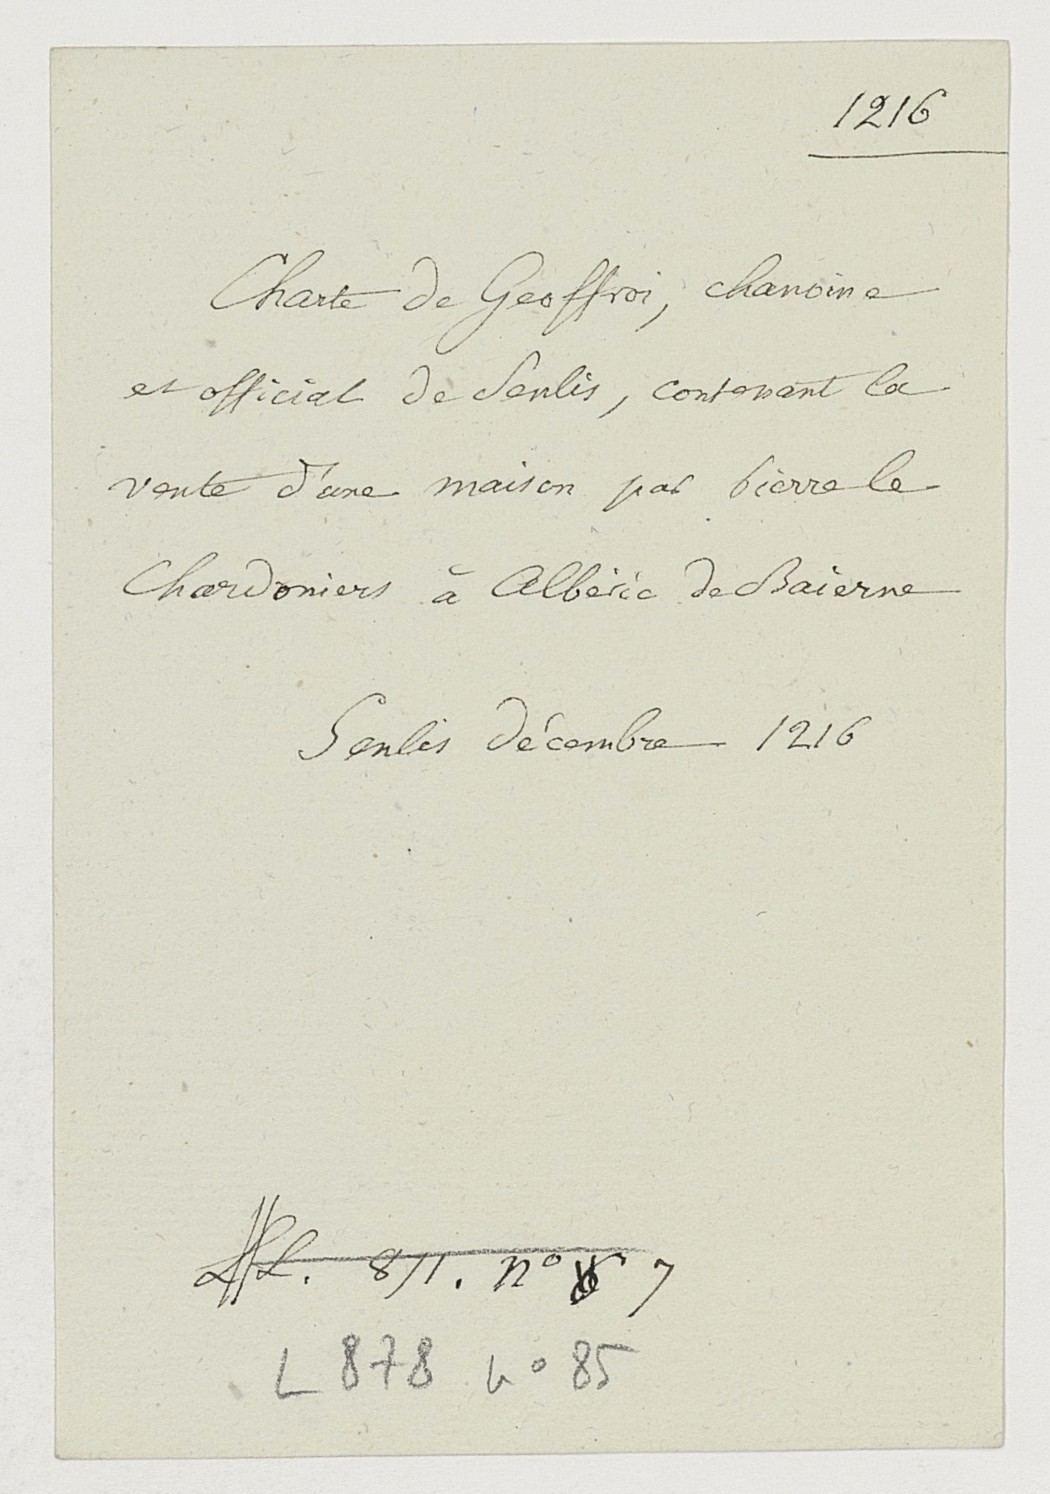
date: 1216
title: Charte de Geoffroi, chanoine et official de Senlis, contenant la vente d'une maison par Pierre le Chardoniers à Albéric de Baierne
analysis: Senlis décembre 1216
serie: L
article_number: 878
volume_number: n° 85
